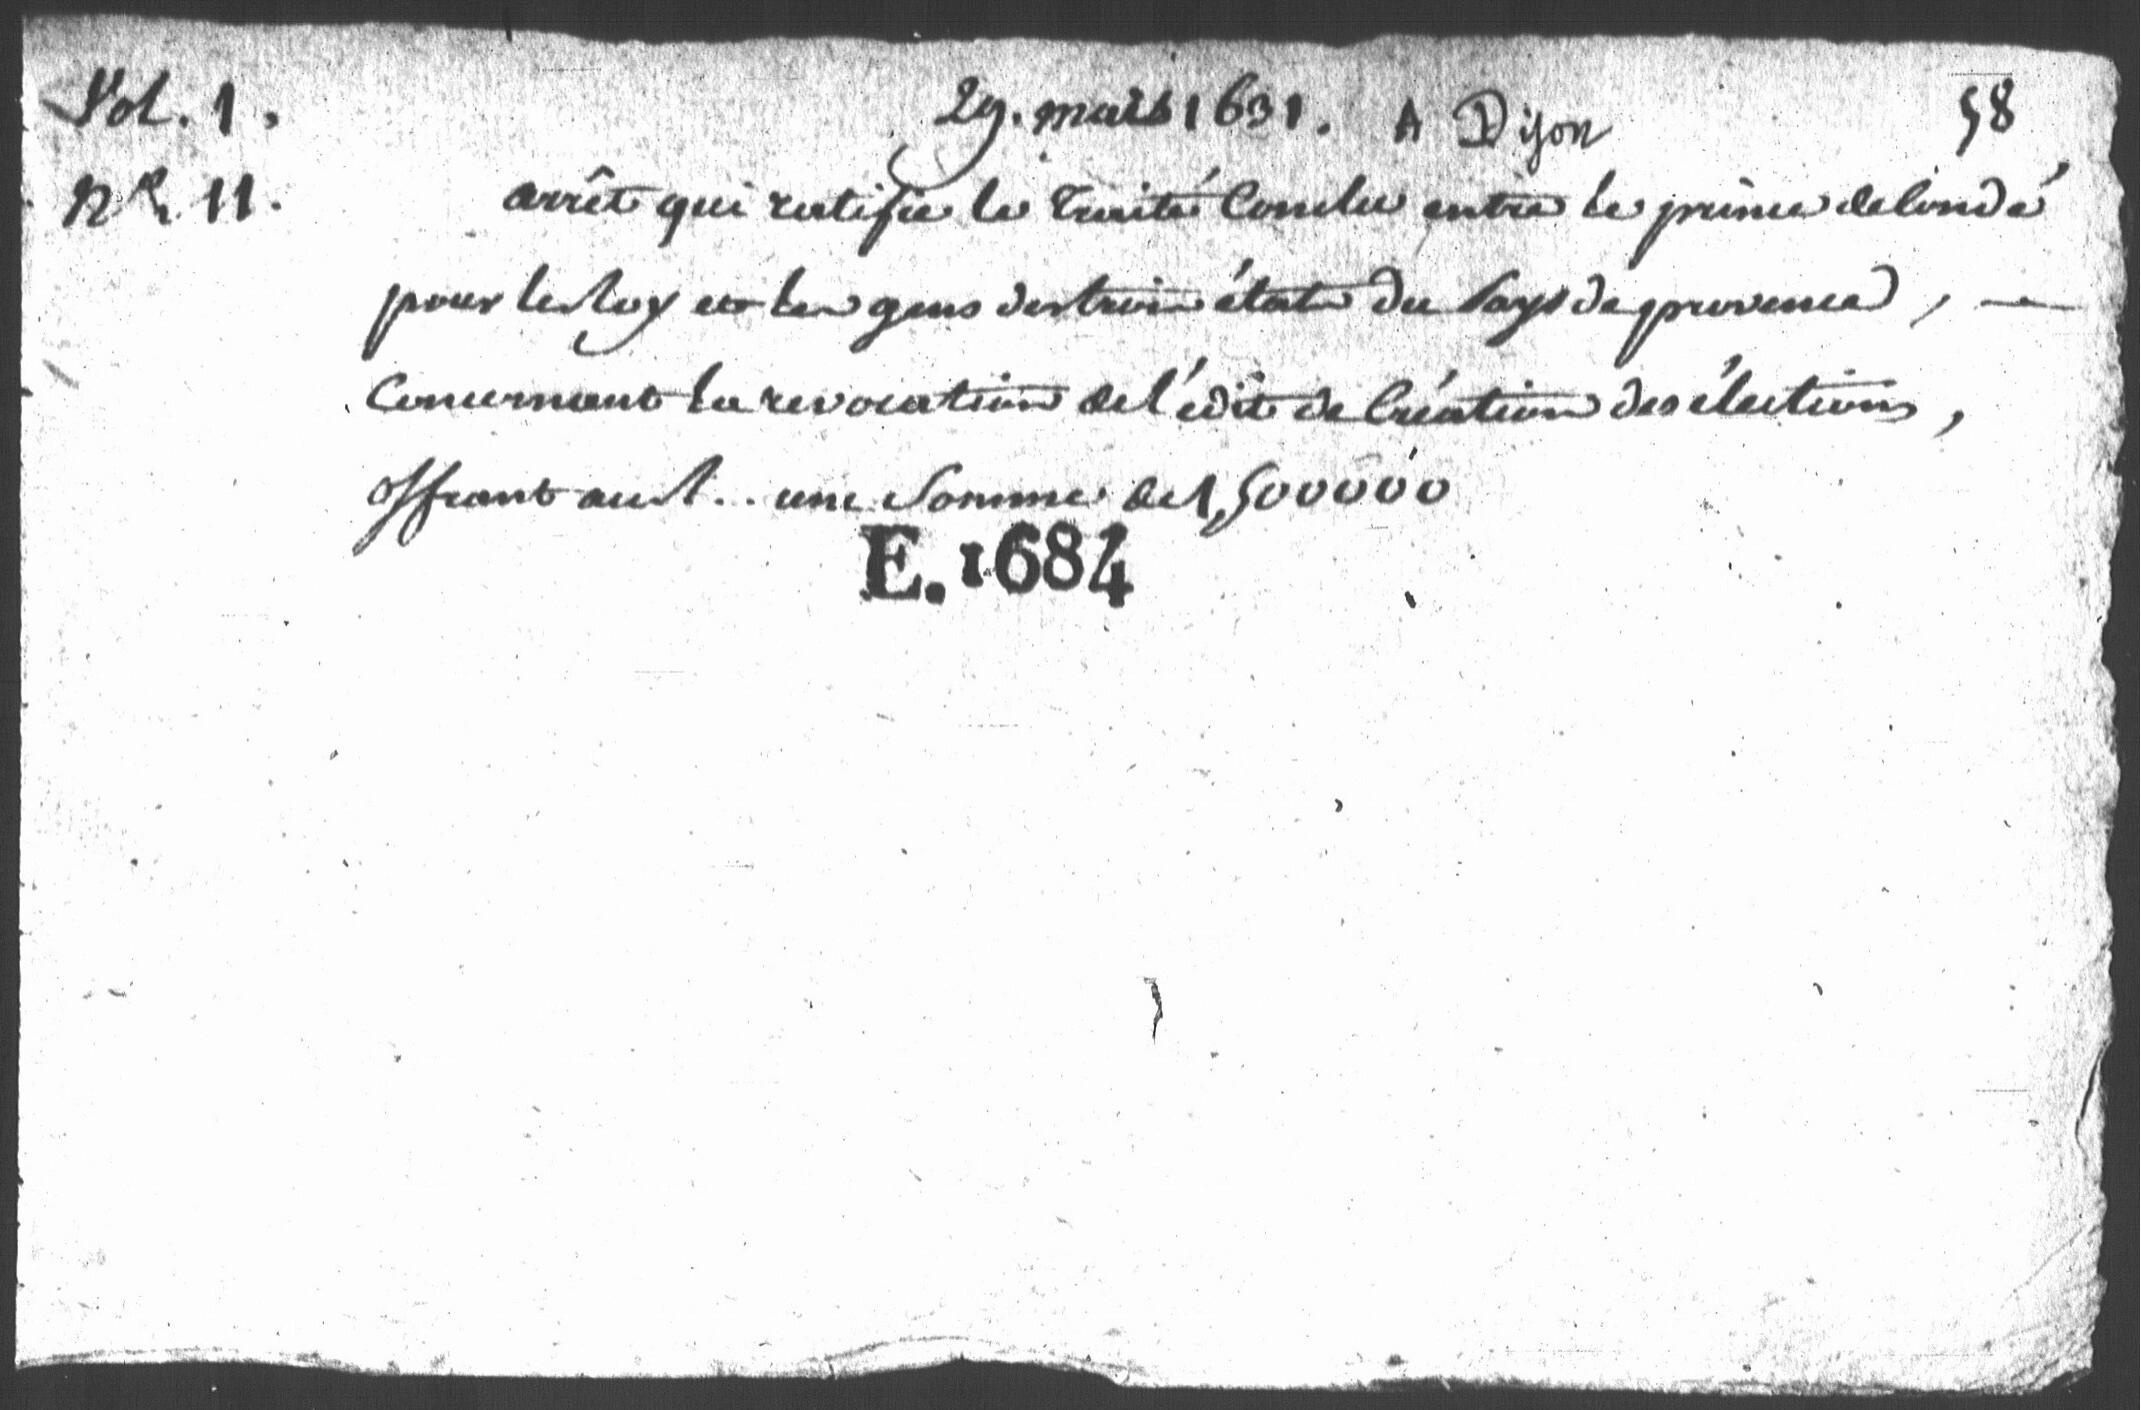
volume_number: n°11
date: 29 mars 1631
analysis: A Dijon 58
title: arrêt qui ratifie le traité conclu entre le prince de Condé pour le Roy et les gens des trois états du Pays de provence concernant la revocation de l'edit de création des élections, offrant au R. une somme de 1,500000
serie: E
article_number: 1684
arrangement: vol. 1
